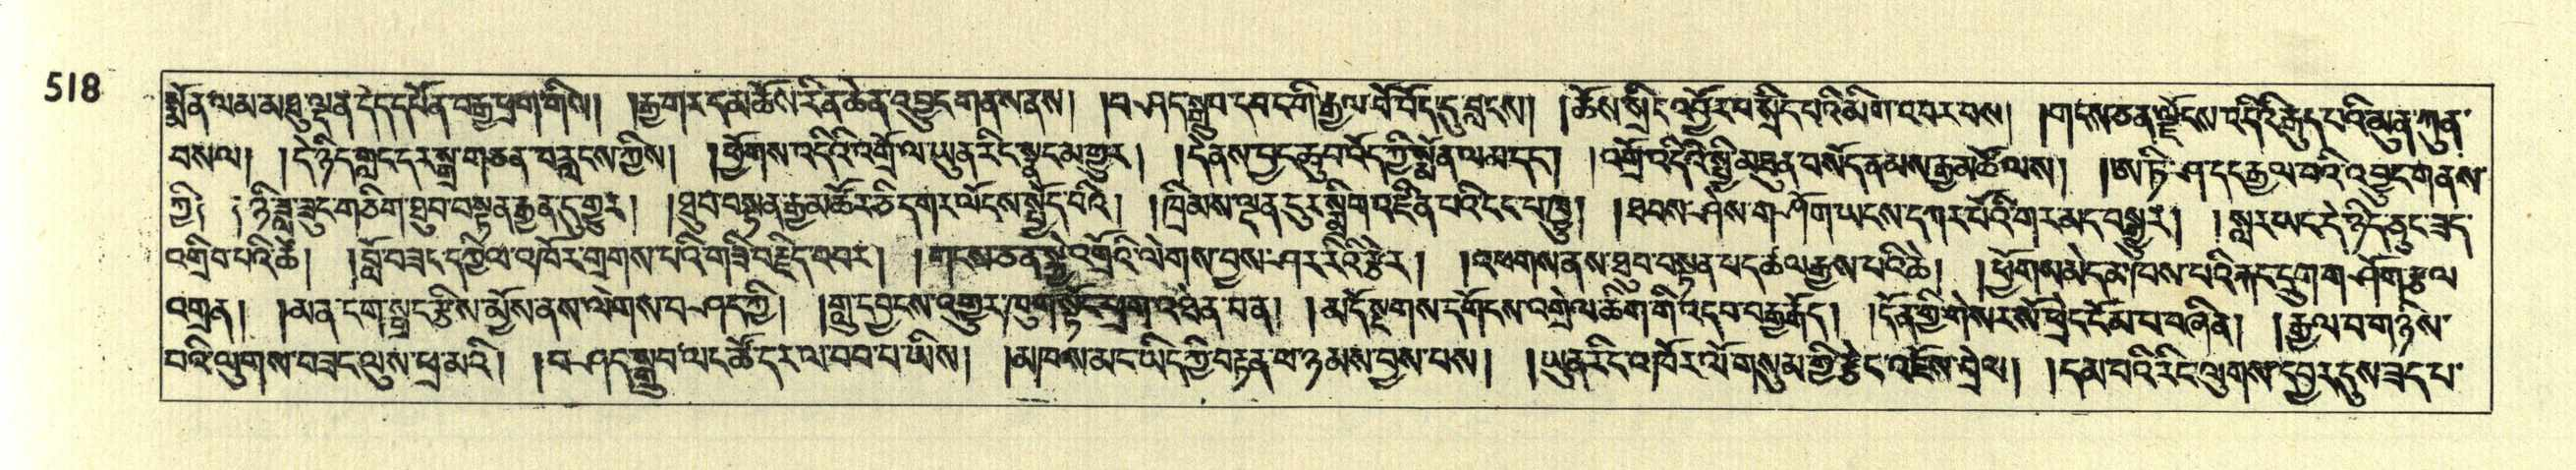སྨོན་ལམ་མཐུ་ལྡན་དེད་དཔོན་བརྒྱ་ཕྲག་གིས། །རྒྱ་གར་དམ་ཆོས་རིན་ཆེན་འབྱུང་གནས་ནས། །བཤད་སྒྲུབ་དབང་གི་རྒྱལ་བོ་བོད་དུ་བླངས། །ཆོས་སྲིད་འབྱོར་བ་སྲིད་པའི་མིག་འབར་བས། །གངས་ཅན་ལྗོངས་འདིའི་རྒུད་པའི་མུན་ཀུན་
བསལ། །དེ་ཉིད་གླང་དར་སྒྲ་གཅན་བརླངས་ཀྱིས། །ཕྱོགས་འདིའི་འགྲོ་ལ་ཡུན་རིང་སྣང་མ་གྱུར། །དེ་ནས་བྱང་ཆུབ་འོད་ཀྱི་སྨོན་ལམ་དང་། །འགྲོ་འདིའི་སྤྱི་མཐུན་བསོད་ནམས་རྒྱ་མཚོ་ལས། །ཨ་ཏི་ཤ་དང་རྒྱལ་བའི་འབྱུང་གནས་
ཀྱི༑ ༑ཉི་ཟླ་ཟུང་གཅིག་ཐུབ་བསྟན་རྒྱན་དུ་གྱུར། །ཐུབ་བསྟན་རྒྱ་མཚོར་ཅི་དགར་ལོངས་སྤྱོད་པའི། །ཁྲིམས་ལྡན་དུར་སྨྲིག་འཛིན་པའི་ངང་པ་ཁྱུ། །ཐབས་ཤེས་གཤོག་ཡངས་དཀར་པོའི་གར་མང་བསྒྱུར། །སླར་ཡང་དེ་ཉིད་ཅུང་ཟད་
འགྲིབ་པའི་ཚེ། །བློ་བཟང་དཀྱིལ་འཁོར་གྲགས་པའི་གཟི་བརྗིད་འབར། །གངས་ཅན་སྐྱེ་འགྲོའི་ལེགས་བྱས་ཤར་རིའི་རྩེར། །འཕགས་ནས་ཐུབ་བསྟན་པད་ཚལ་རྒྱས་པའི་ཆེ། །ཕྱོགས་མེད་མཁས་པའི་རྐང་དྲུག་གཤོག་རྩལ་
འགྲན། །མན་ངག་སྒྲང་རྩིས་མྱོས་ནས་ལེགས་བཤད་ཀྱི། །གླུ་དབྱངས་འགྱུར་ཁུག་སྟོང་ཕྲག་འཐེན་བ་ན། །མདོ་སྔགས་དགོངས་འགྲེལ་ཚིག་གི་འདབ་བརྒྱ་རྒོད། །དོན་གྱི་གསེར་སོ་ཕྲེང་ངོམ་བ་བཞིན། །རྒྱལ་བ་གཉིས་
བའི་ལུགས་བཟང་ལུས་ཕྲ་མའི། །བཤད་སྒྲུབ་ལང་ཚོ་དར་ལ་བབ་པ་ཡིས། །མཁས་མང་ཡིད་ཀྱི་བརྟན་པ་ཉམས་བྱས་པས། །ཡུན་རིང་འཁོར་ལོ་གསུམ་གྱི་རྩོང་འཇོས་བྲེལ། །དམ་བའི་རིང་ལུགས་དབྱར་དུས་ཟད་པ་